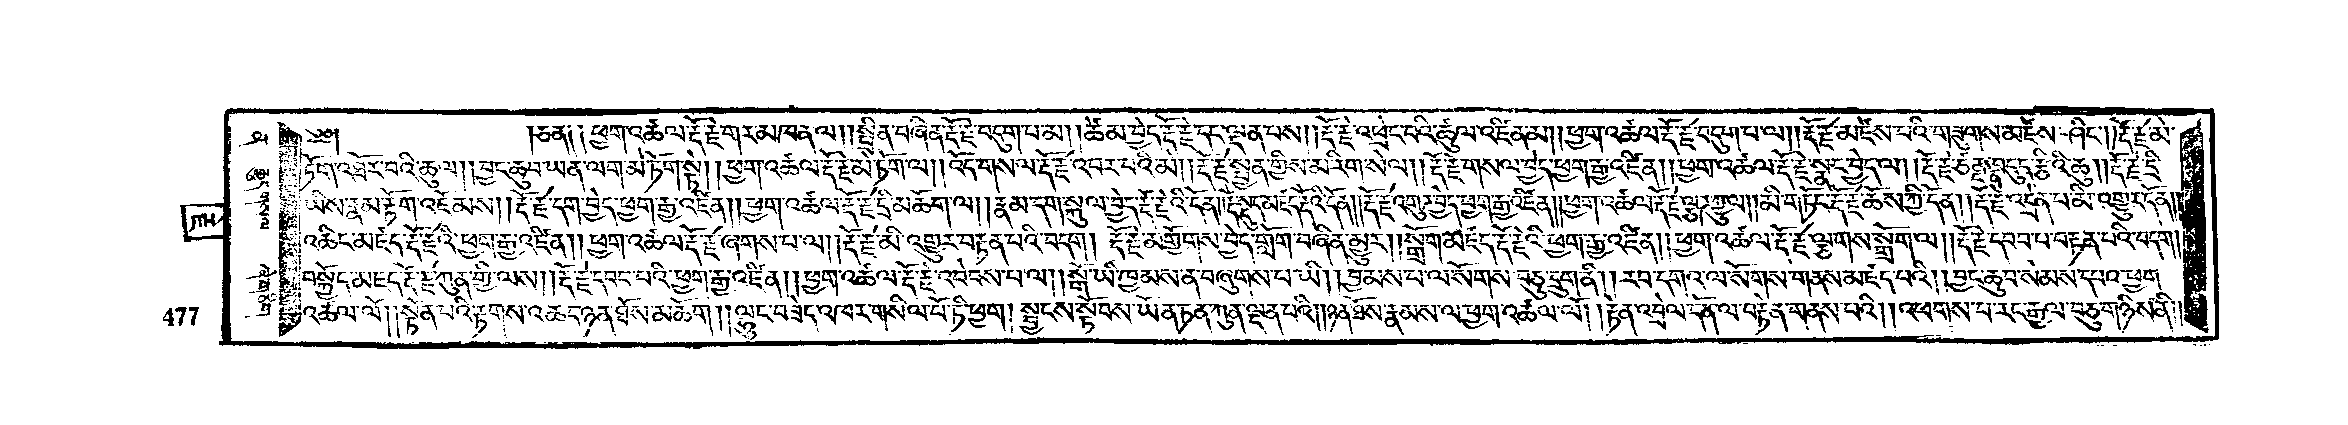༄༅། །ཅན། །ཕྱག་འཚལ་རྡོ་རྗེ་གར་མཁན་ལ། །སྤྲིན་བཞིན་རྡོ་རྗེ་བདུག་པ་མ། །ཚེམ་བྱེད་རྡོ་རྗེ་དང་ལྡན་པས། །རྡོ་རྗེ་འཕྲེང་བའི་ཚུལ་འཛིན་མ། །ཕྱག་འཚལ་རྡོ་རྗེ་བདུག་པ་ལ། །རྡོ་རྗེ་མཛེས་པའི་གཟུགས་མཛེས་ཤིང་། །རྡོ་རྗེ་མེ་
ཏོག་འཐོར་བའི་ཚུལ། །བྱང་ཆུབ་ཡན་ལག་མེ་ཏོག་སྟེ། །ཕྱག་འཚལ་རྡོ་རྗེ་མེ་ཏོག་ལ། །འོད་གསལ་རྡོ་རྗེ་འབར་བའི་མེ། །རྡོ་རྗེ་སྤྱན་གྱིས་མ་རིག་སེལ། །རྡོ་རྗེ་གསལ་བྱེད་ཕྱག་རྒྱ་འཛིན། །ཕྱག་འཚལ་རྡོ་རྗེ་སྣང་བྱེད་ལ། །རྡོ་རྗེ་ཙནྡན་བདུད་རྩིའི་ཆུ། །རྡོ་རྗེ་དྲི་
ཡིས་རྣམ་རྟོག་འཇོམས། །རྡོ་རྗེ་དག་བྱེད་ཕྱག་རྒྱ་འཛིན། །ཕྱག་འཚལ་རྡོ་རྗེ་དྲི་མཆོག་ལ། །རྣམ་དག་སྐུལ་བྱེད་རྡོ་རྗེའི་དོན། །རྡོ་རྗེ་སྡུད་མཛད་རྡོ་རྗེའི་དོན། །རྡོ་རྗེ་འགུགས་བྱེད་ཕྱག་རྒྱ་འཛིན། །ཕྱག་འཚལ་རྡོ་རྗེ་ལྕགས་ཀྱུ་ལ། །མི་གཏོང་རྡོ་རྗེ་ཆོས་ཀྱི་དོན། །རྡོ་རྗེ་འདྲེན་པ་མི་འགྱུར་དོན། །
འཆིང་མཛད་རྡོ་རྗེའི་ཕྱག་རྒྱ་འཛིན། །ཕྱག་འཚལ་རྡོ་རྗེ་ཞགས་པ་ལ། །རྡོ་རྗེ་མི་འགྱུར་བརྟན་པའི་བདག །རྡོ་རྗེ་མགྱོགས་བྱེད་གློག་བཞིན་མྱུར། །སྒྲོག་མཛད་རྡོ་རྗེའི་ཕྱག་རྒྱ་འཛིན། །ཕྱག་འཚལ་རྡོ་རྗེ་ལྕགས་སྒྲོག་ལ། །རྡོ་རྗེ་དབབ་པ་བརྟན་པའི་བདག །
བསྐྱོད་མཛད་རྡོ་རྗེ་ཀུན་གྱི་ལས། །རྡོ་རྗེ་དབང་པའི་ཕྱག་རྒྱ་འཛིན། །ཕྱག་འཚལ་རྡོ་རྗེ་འབེབས་པ་ལ། །སྒོ་ཡི་ཁྱམས་ན་བཞུགས་པ་ཡི། །བྱམས་པ་ལ་སོགས་བཅུ་དྲུག་ནི། །རབ་དགའ་ལ་སོགས་གནས་མཛད་པའི། །བྱང་ཆུབ་སེམས་དཔའ་ཕྱག་
འཚལ་ལོ། །སྟོན་པའི་རྟགས་འཆད་ཉན་ཐོས་མཆོག ། །ལྷུང་བཟེད་འཁར་གསིལ་པོ་ཏི་ཕྱག །སྦྱངས་སྟོབས་ཡོན་ཏན་ཀུན་ལྡན་པའི། །ཉན་ཐོས་རྣམས་ལ་ཕྱག་འཚལ་ལོ། །རྟེན་འབྲེལ་དོན་ལ་བརྟེན་གནས་པའི། །འཕགས་པ་རང་རྒྱལ་བཅུ་གཉིས་ནི། །